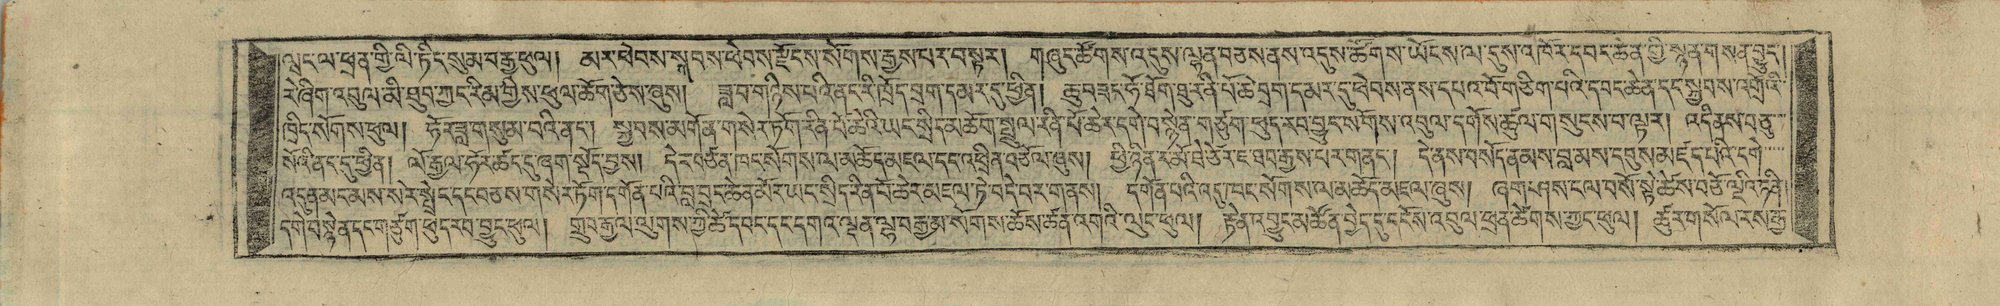ཝང་ལ་ཕྲན་གྱི་ལི་ཏིང་སུམ་བརྒྱ་ཕུལ། མར་ཕེབས་སྐབས་ཕེབས་རྫོངས་སོགས་རྒྱས་པར་བསྟར། གཞུང་ཚོགས་འདུས་ལྷན་བཅས་ནས་འདུས་ཚོགས་ཡོངས་ལ་དུས་འཁོར་དབང་ཆེན་གྱི་སྙན་གསན་བྱུང་།
རེ་ཞིག་འབུལ་མི་ཐུབ་ཀྱང་རིམ་གྱིས་ཕུལ་ཆོག་ཅེས་ཞུས། ཟླ་བ་གཉིས་པའི་ནང་རི་ཁྲོད་བྲག་དམར་དུ་ཕྱིན། ཆུ་བཟང་ཧོ་ཐོག་ཐུ་རིན་པོ་ཆེ་བྲག་དམར་དུ་ཕེབས་ནས་དཔའ་བོ་གཅིག་པའི་དབང་ཆེན་དང་སྐྱབས་འགྲོའི་
ཁྲིད་སོགས་ཕུལ། ཧོར་ཟླ་གསུམ་པའི་ནང་། སྐྱབས་མགོན་གསེར་ཏོག་རིན་པོ་ཆེའི་ཡང་སྲིད་མཆོག་སྤྲུལ་རིན་པོ་ཆེར་དགེ་བསྙེན་གཙུག་ཕུད་རབ་བྱུང་སོགས་འབུལ་དགོས་ཚུལ་གསུངས་བ་ལྟར། འདི་ནས་བཅུ་
སོའི་ནང་དུ་ཕྱིན། ལོ་རྒྱལ་ཧོར་ཚང་དུ་ཞག་སྡོད་བྱས། དེར་བཙན་ཁང་སོགས་ལ་མཆོད་མཇལ་དང་འཕྲིན་བཅོལ་ཞུས། ཕྱི་ཉིན་ར་མོ་ཐེ་ཙེར་ཇ་ཐབ་རྒྱས་པར་གནང་། དེ་ནས་བསོད་ནམས་བླ་མས་དབུས་མཛད་པའི་དགེ་
འདུན་མང་མས་སེར་སྦྲེང་དང་བཅས་གསེར་ཏོག་དགོན་པའི་བླ་བྲང་ཆེན་མོར་ཡང་སྲིད་རིན་པོ་ཆེར་མཇལ་ཏེ་བདེ་བར་གནས། དགོན་པའི་འདུ་ཁང་སོགས་ལ་མཆོད་མཇལ་ཞུས། ཞག་ཤས་ངལ་བསོ་སྟེ་ཚེས་བཅོ་ལྔའི་ཉིན།
དགེ་བསྙེན་དང་གཙུག་ཕུད་རབ་བྱུང་ཕུལ། གྲུབ་རྒྱལ་ལུགས་ཀྱི་ཚེ་དབང་དང་དགའ་ལྡན་ལྷ་བརྒྱ་མ་སོགས་ཆོས་ཚན་འགའི་ལུང་ཕུལ། རྟེན་འབྱུང་མཚོན་བྱེད་དུ་དངོས་འབུལ་ཕྲན་ཚོགས་ཀྱང་ཕུལ། ཚུར་གསོལ་རས་རྒྱ་